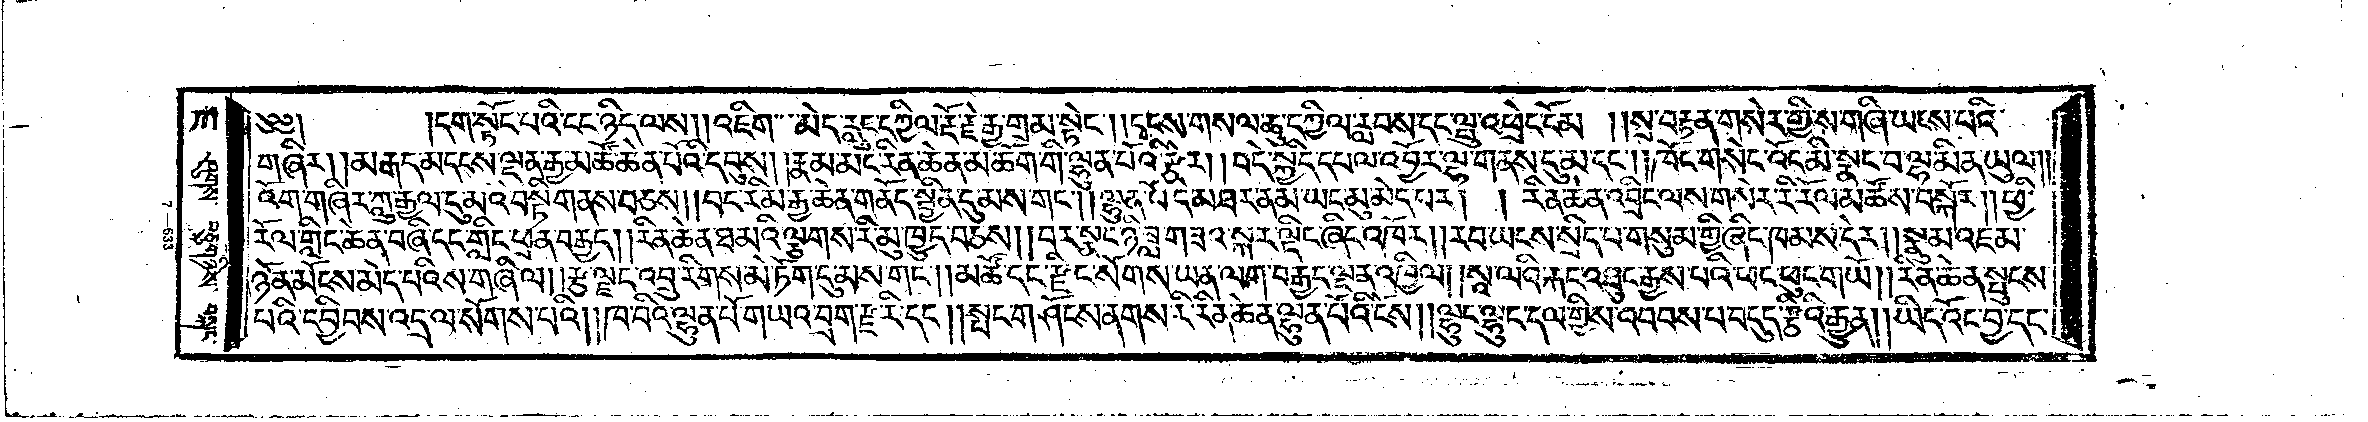༄༅། །དག་སྟོང་བའི་ངང་ཉིད་ལས། །འཇིག་མེད་རླུང་དཀྱིལ་རྡོ་རྗེ་རྒྱ་གྲམ་སྟེང་། །དྭངས་གསལ་ཆུ་དཀྱིལ་རླབས་དང་ཝཱ་འཕྲེང་ངོམ། །སྲ་བརྟན་གསེར་གྱིས་གཞི་ཡངས་པའི་
གཞིར། །མ་རྒད་མདངས་ལྡན་རྒྱ་མཚོ་ཆེན་པོའི་དབུས། །རྣམ་མང་རིན་ཆེན་མཆོག་གི་ལྷུན་པོའི་རྩེར། །བདེ་སྐྱིད་དཔལ་འབྱོར་ལྷ་གནས་དུ་མ་དང་། །ཁོང་གསེང་འོད་མི་སྣང་བ་ལྷ་མིན་ཡུལ།།
འོག་གཞིར་ཀླུ་རྒྱལ་དུ་མའི་བསྟན་གནས་བཅས། །བང་རིམ་རྒྱ་ཆེན་གནོད་སྦྱིན་དུ་མས་གང་། །ལྷུན་པོ་དེ་མཐར་ནམ་ཡང་མུ་མེད་པར། །རིན་ཆེན་འབྲིང་ལས་གསེར་རི་རོལ་མཚོས་བསྐོར། །ཕྱི་
རོལ་གླིང་ཆེན་བཞི་དང་གླིང་ཕྲན་བརྒྱད། །རིན་ཆེན་ཐ་མའི་ལྕགས་རི་མུ་ཁྱུད་བཅས། །བར་སྣང་ཉི་ཟླ་གཟའ་སྐར་ལྡིང་ཞིང་འཁོར། །རབ་ཡངས་སྲིད་པ་གསུམ་གྱི་ཞིང་ཁམས་དེར། །སྣུམ་འཇམ་
ཉོན་མོངས་མེད་པའི་ས་གཞི་ལ། །རྩ་ལྗང་འབྲུ་རིགས་མེ་ཏོག་དུ་མས་གང་། །མཚོ་དང་རྫིང་སོགས་ཡན་ལག་བརྒྱད་ལྡན་འཁྱིལ། །སཱ་ལའི་རྐང་འཐུང་རྒྱས་པའི་ཕང་ཕུང་གཡོ། །རིན་ཆེན་སྤུངས་
པའི་དབྱིབས་འདྲ་ལ་སོགས་པའི། །ཁ་བའི་ལྷུན་པོ་གཡའ་བྲག་རྫ་རི་དང་། །སྤང་གཤོངས་ནགས་རི་རིན་ཆེན་ལྷུན་པོའི་ངོས། །ལྷུང་ལྷུང་དལ་གྱིས་འབབས་པ་བདུད་རྩིའི་རྒྱུན། །ཡིད་འོང་བྱ་དང་